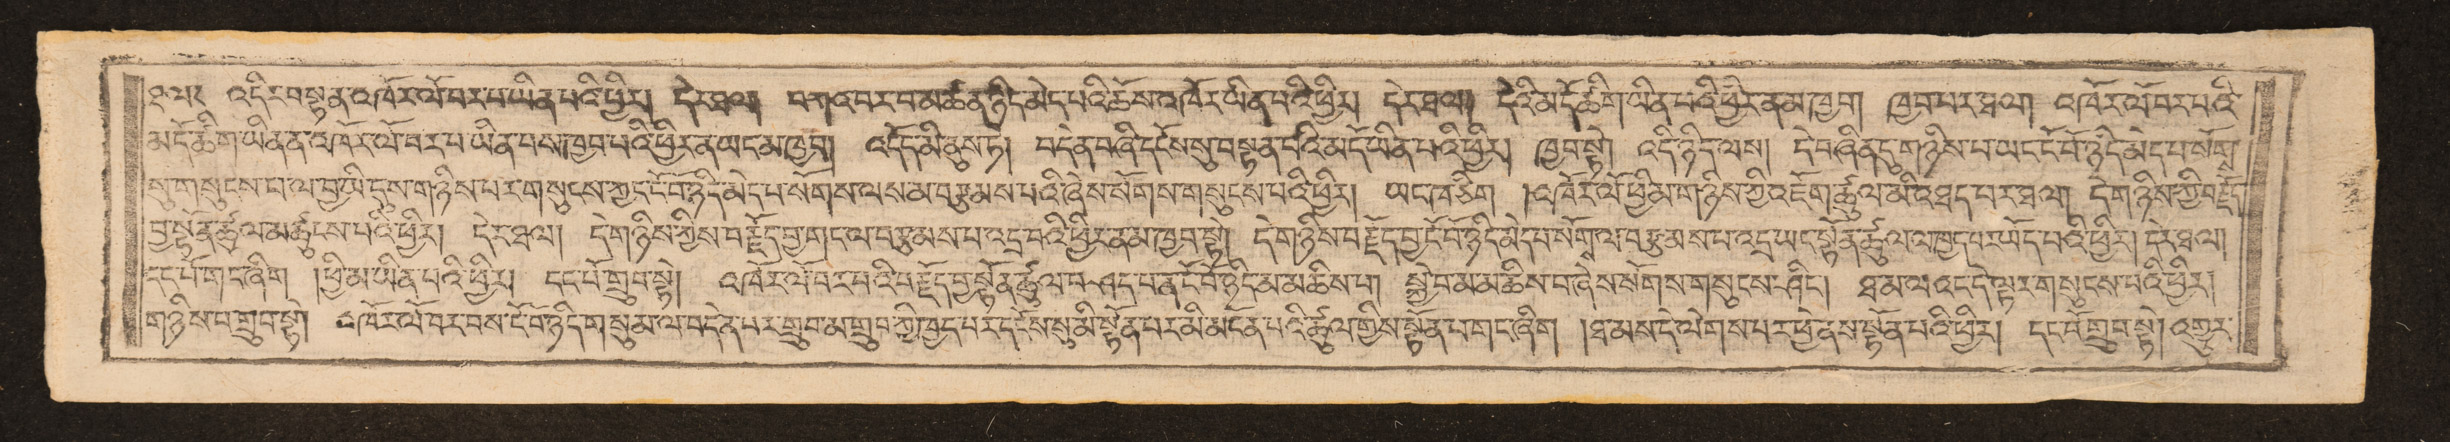ཐལ༑ འདིར་བསྟན་འཁོར་ལོ་བར་པ་ཡིན་པའི་ཕྱིར། དེར་ཐལ། བཀའ་བར་པ་མཚན་ཉིད་མེད་པའི་ཆོས་འཁོར་ཡིན་པའི་ཕྱིར། དེར་ཐལ། དེའི་མདོ་ཚིག་ཡིན་པའི་ཕྱིར་ན་མ་ཁྱབ། ཁྱབ་པར་ཐལ། འཁོར་ལོ་བར་པའི་
མདོ་ཚིག་ཡིན་ན་འཁོར་ལོ་བར་པ་ཡིན་པས་ཁྱབ་པའི་ཕྱིར་ན་ཡང་མ་ཁྱབ། འདོད་མི་ནུས་ཏེ། བདེན་བཞི་དངོས་སུ་བསྟན་པའི་མདོ་ཡིན་པའི་ཕྱིར། ཁྱབ་སྟེ། འདི་ཉིད་ལས། དེ་བཞིན་དུ་གཉིས་པ་ཡང་ངོ་བོ་ཉིད་མེད་པ་སོགས་
སུ་གསུངས་པ་ལ་བྱ་ཡི་དུས་གཉིས་པར་གསུངས་ཀྱང་ངོ་བོ་ཉིད་མེད་པ་སོགས་ལས་མ་བརྩམས་པའི་ཞེས་སོགས་གསུངས་པའི་ཕྱིར། ཡང་ཁ་ཅིག །འཁོར་ལོ་ཕྱི་མ་གཉིས་ཀྱི་འཇོག་ཚུལ་མི་འཐད་པར་ཐལ། དེ་གཉིས་ཀྱི་བརྗོད་
བྱ་སྟོན་ཚུལ་མཚུངས་པའི་ཕྱིར། དེར་ཐལ། དེ་གཉིས་ཀྱིས་བརྗོད་བྱ་གང་ལ་བརྩམས་པ་འདྲ་བའི་ཕྱིར་ན་མ་ཁྱབ་སྟེ། དེ་གཉིས་བརྗོད་བྱ་ངོ་བོ་ཉིད་མེད་པ་སོགས་ལ་བརྩམས་པ་འདྲ་ཡང་སྟོན་ཚུལ་ལ་ཁྱད་པར་ཡོད་པའི་ཕྱིར། དེར་ཐལ།
དང་པོ་གང་ཞིག །ཕྱི་མ་ཡིན་པའི་ཕྱིར། དང་པོ་གྲུབ་སྟེ། འཁོར་ལོ་བར་པའི་བརྗོད་བྱ་སྟོན་ཚུལ་བཤད་པ་ན་ངོ་བོ་ཉིད་མ་མཆིས་པ། སྐྱེ་བ་མ་མཆིས་པ་ཞེས་སོགས་གསུངས་ཤིང་། ཐ་མ་ལའང་དེ་ལྟར་གསུངས་པའི་ཕྱིར།
གཉིས་པ་གྲུབ་སྟེ། འཁོར་ལོ་བར་བས་ངོ་བོ་ཉིད་གསུམ་ལ་བདེན་པར་གྲུབ་མ་གྲུབ་ཀྱི་ཁྱད་པར་དངོས་སུ་མི་སྟོན་པར་མི་མངོན་པའི་ཚུལ་གྱིས་སྟོན་པ་གང་ཞིག །ཐ་མས་དེ་ལེགས་པར་ཕྱེ་ནས་སྟོན་པའི་ཕྱིར། དང་པོ་གྲུབ་སྟེ། འགྱུར་